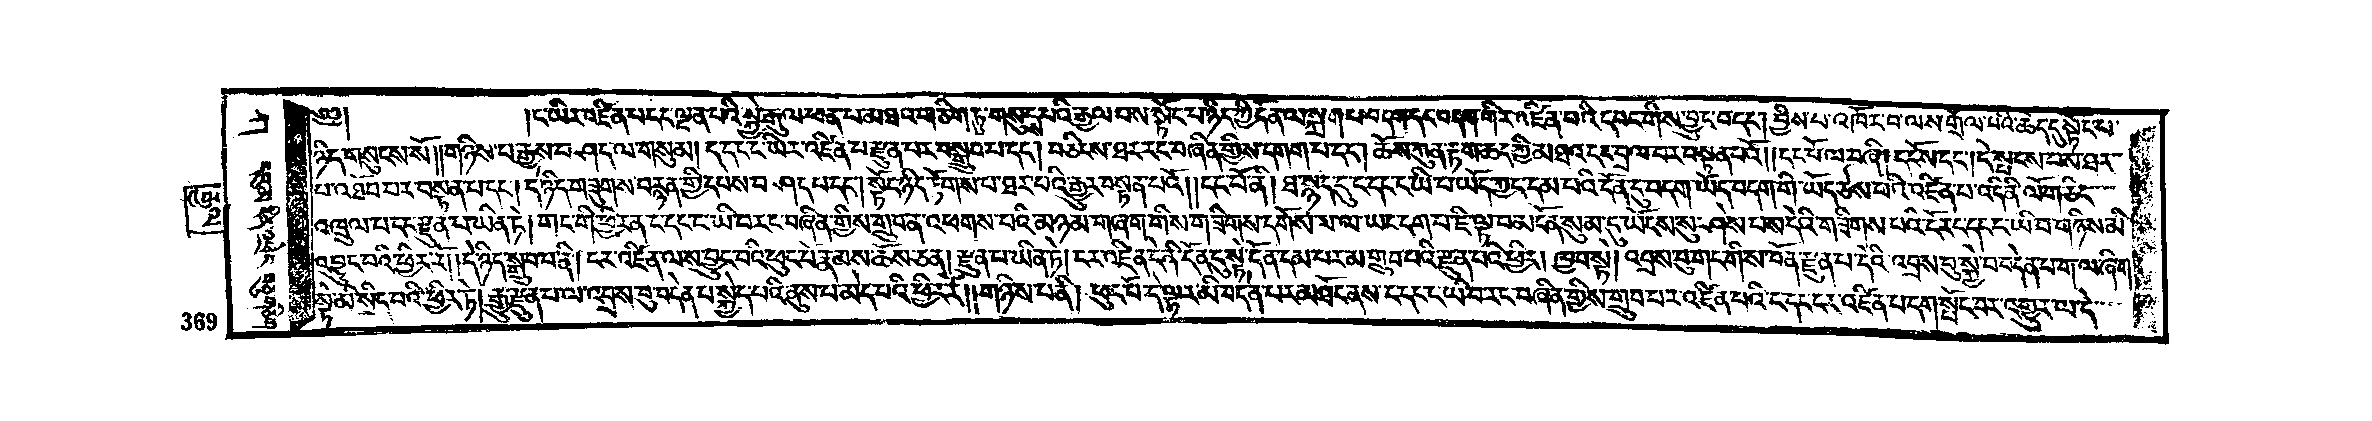༄༅། །ང་ཡིར་འཛིན་པ་དང་ལྡན་པའི་སྐྱེ་རྒུལ་ཕན་པ་མཐའ་གཅིག་ཏུ་གསུངས་པའི་རྒྱལ་བས་སྟོང་པ་ཉིད་ཀྱི་དོན་ལ་སྐྲག་པ་བདག་དང་བདག་གིར་འཛིན་པའི་དབང་གིས་བྱུང་བ་དང་། བྱིས་པ་འཁོར་བ་ལས་གྲོལ་བའི་ཆེད་དུ་སྟོང་པ་
ཉིད་གསུངས་སོ། །གཉིས་པ་རྒྱས་བཤད་ལ་གསུམ། ང་དང་ང་ཡིར་འཛིན་པ་རྫུན་པར་བསྒྲུབ་པ་དང་། བཅིངས་ཐར་རང་བཞིན་གྱིས་དགག་པ་དང་། ཆོས་ཀུན་རྟག་ཆད་ཀྱི་མཐའ་དང་བྲལ་བར་བསྟན་པའོ། །དང་པོ་ལ་བཞི། དངོས་དང་། དེ་སྤངས་པས་ཐར་
པ་འཐོབ་པར་བསྟན་པ་དང་། དེ་ཉིད་གཟུགས་བརྙན་གྱི་དཔས་བཤད་པ་དང་། སྟོང་ཉིད་རྟོགས་པ་ཐར་པའི་རྒྱུར་བསྟན་པའོ། །དང་པོ་ནི། ཐ་སྙད་དུ་ང་དང་ང་ཡི་བ་ཡོད་ཀྱང་དམ་པའི་དོན་དུ་བདག་ཡོད་བདག་གི་ཡོད་ཅེས་པའི་འཛིན་པ་འདི་ནི་ལོག་ཅིང་
འཁྲུལ་པ་དང་རྫུན་པ་ཡིན་ཏེ། གང་གི་ཕྱིར་ན་ང་དང་ང་ཡི་བ་རང་བཞིན་གྱིས་གྲུབ་ན་འཕགས་པའི་མཉམ་གཞག་གིས་གཟིགས་དགོས་པ་ལ་ཡང་དག་པ་ཇི་ལྟ་བ་མངོན་སུམ་དུ་ཡོངས་སུ་ཤེས་པས་དེའི་གཟིགས་པའི་ང་རང་དང་ང་ཡི་བ་གཉིས་མི་
འབྱུང་བའི་ཕྱིར་རོ། །དེ་ཉིད་སྒྲུབ་པ་ནི། ངར་འཛིན་ལས་བྱུང་བའི་ཕུང་པོ་རྣམས་ཆོས་ཅན། རྫུན་པ་ཡིན་ཏེ། ངར་འཛིན་དེ་ནི་དོན་དུ་སྟེ་དོན་དམ་པར་མ་གྲུབ་པའི་རྫུན་པའི་ཕྱིར། ཁྱབ་སྟེ། འབྲས་བུ་གང་གི་ས་བོན་རྫུན་པ་དེའི་འབྲས་བུ་སྐྱེ་བ་བདེན་པ་ག་ལ་ཞིག་
སྟེ་མི་སྲིད་པའི་ཕྱིར་ཏེ། རྒྱུ་རྫུན་པ་ལ་འབྲས་བུ་བདེན་པ་སྐྱེད་པའི་ནུས་པ་མེད་པའི་ཕྱིར་རོ། །གཉིས་པ་ནི། ཕུང་པོ་དེ་ལྟར་མི་བདེན་པར་མཐོང་ནས་ང་དང་ང་ཡི་བ་རང་བཞིན་གྱིས་གྲུབ་པར་འཛིན་པའི་ང་དང་ངར་འཛིན་པ་དག་སྤོང་བར་འགྱུར་ལ་དེ་